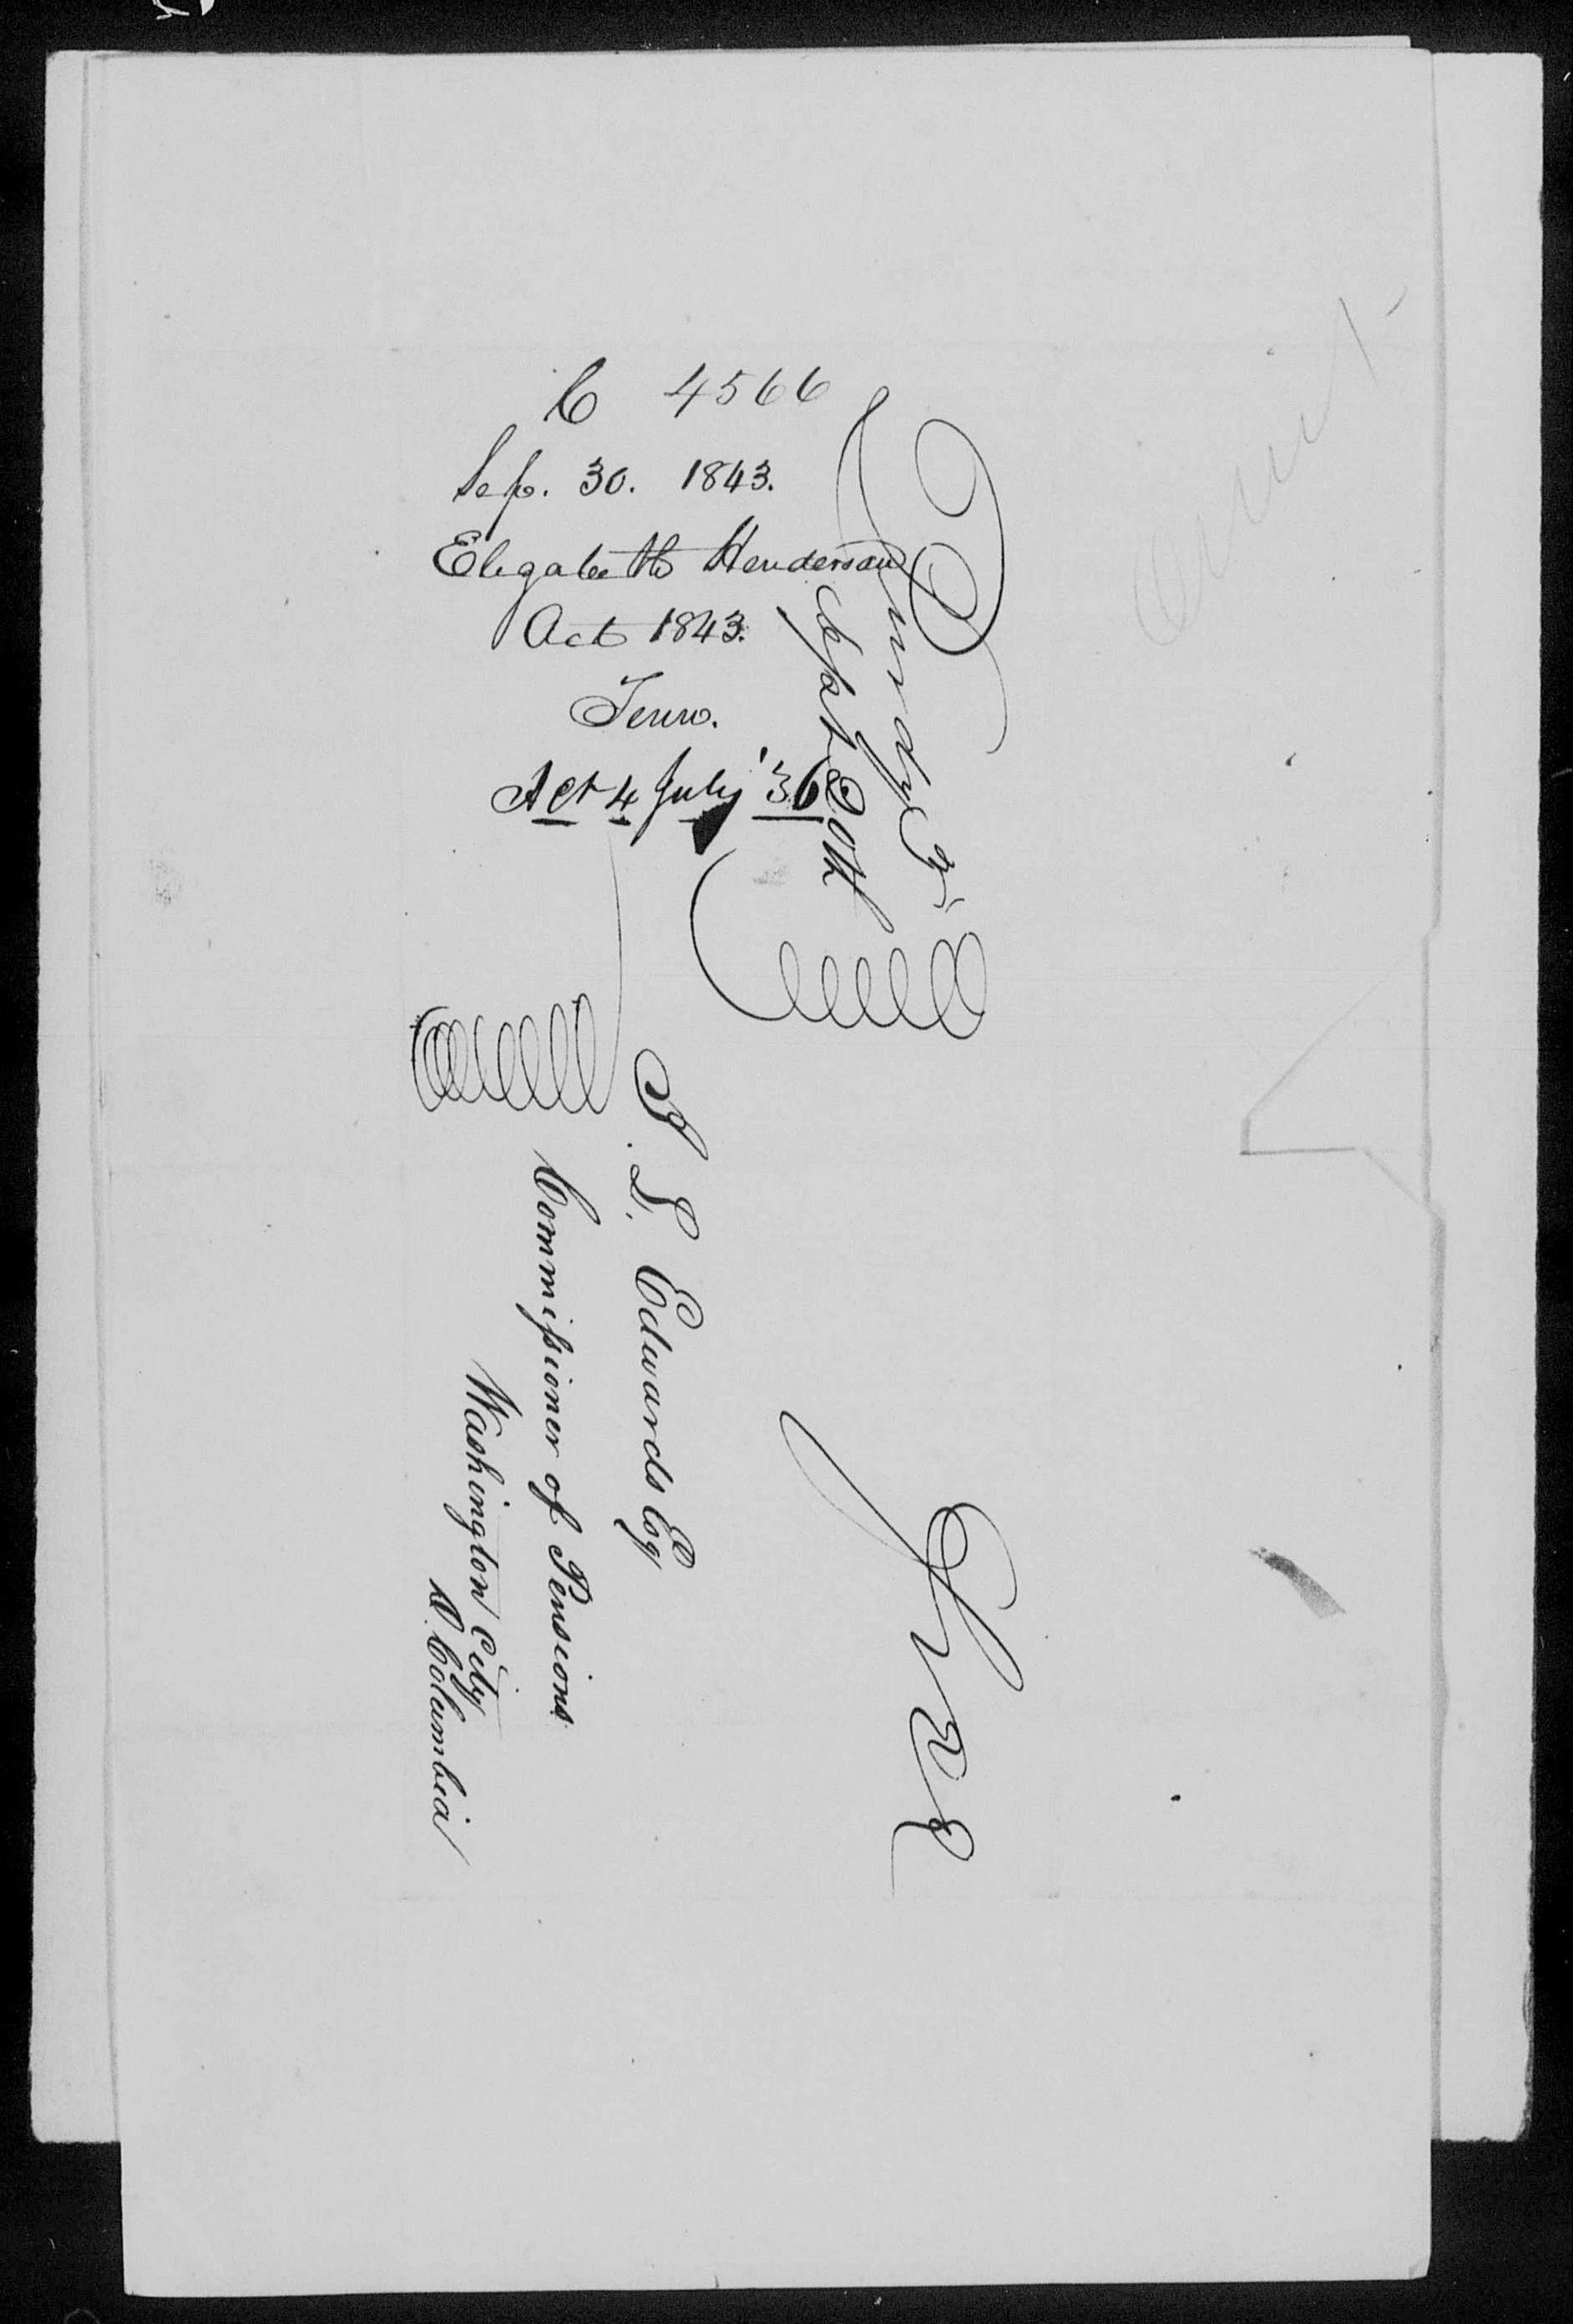C 4566
Sep. 30. 1843
Elizabeth Henderson
Act 1843.
Tenn
Act 4 July '36

Purdy Ten}
Sept 20th}

free

J.  L. Edwards Esq
{Commissioner of Pensions
{Washington City
{D. Columbia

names: Elizabeth Henderson, J L Edwards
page: 21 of 40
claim: rejected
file: R. 4,869, John Henderson, S.C.